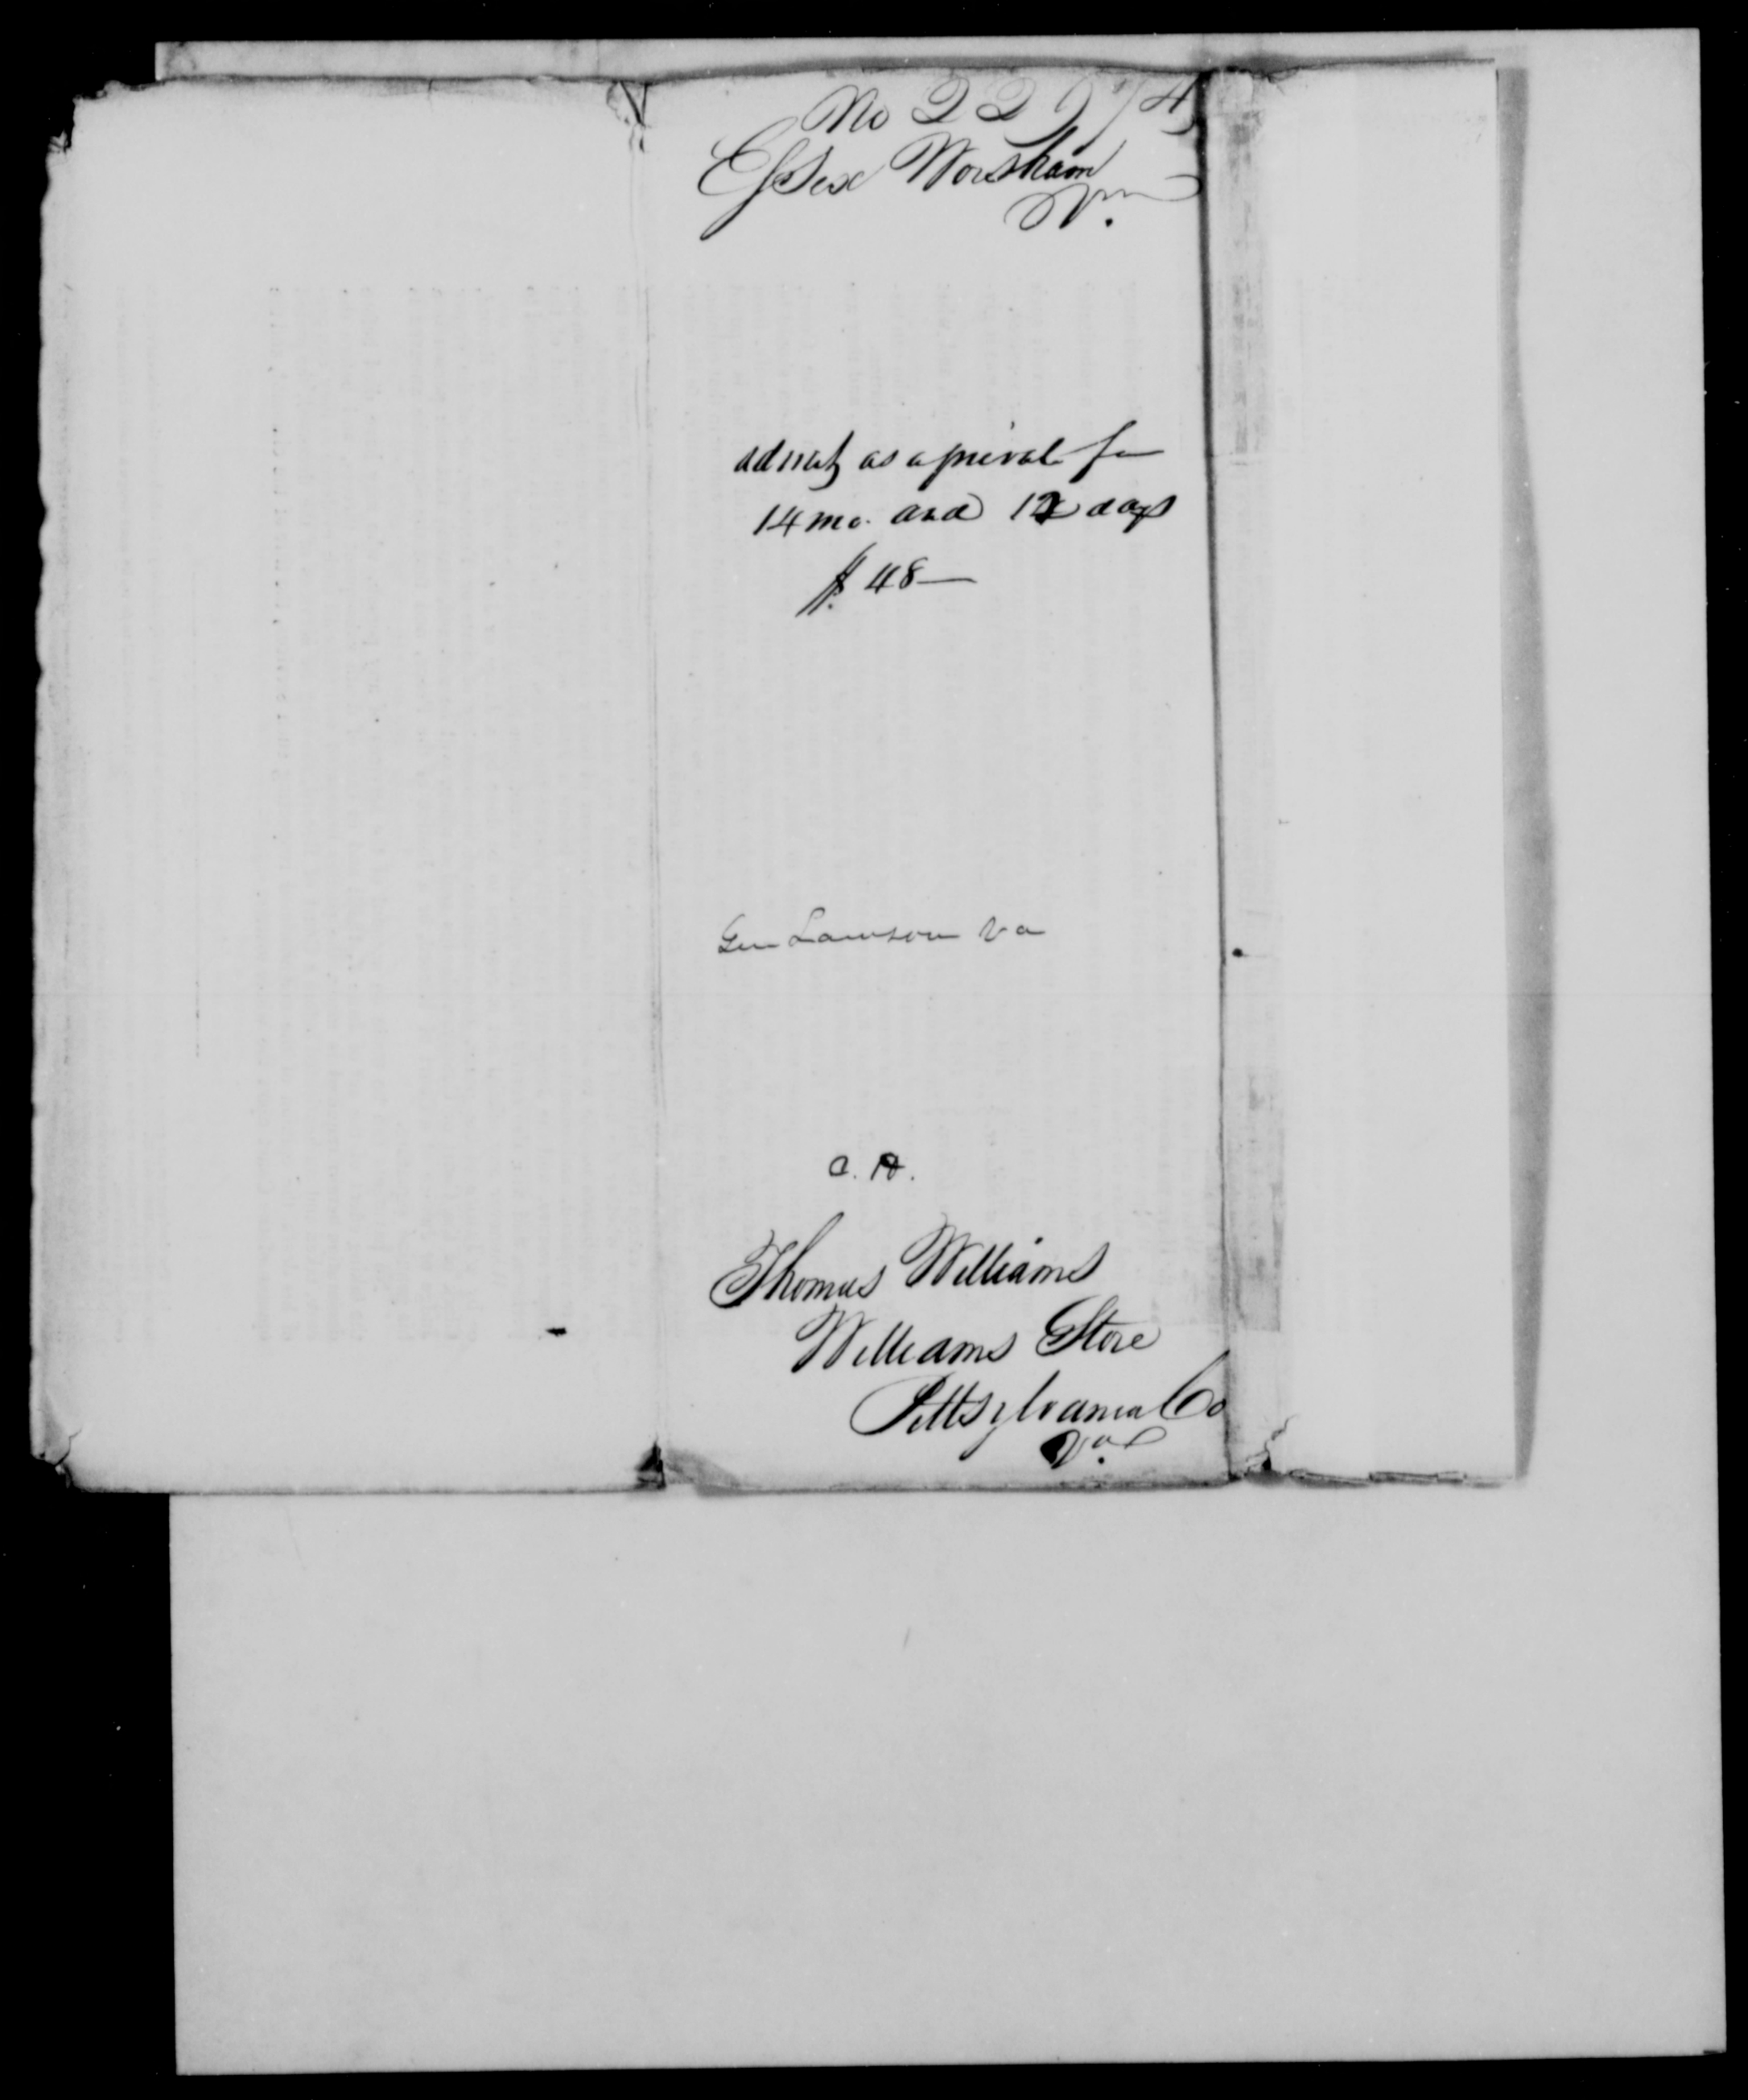No 2297 [?]
Essex Worsham
V.

admit as a private for
14 mo. and 17 days
$48-

Gen Lawson Va

C.H.

Thomas Williams
Williams Store
Pittsylvania Co
V.a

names: Essex Worsham, Thomas Williams, Lawson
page: 10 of 16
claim: survivor's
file: S. 6,447, Essex Worsham, Va.